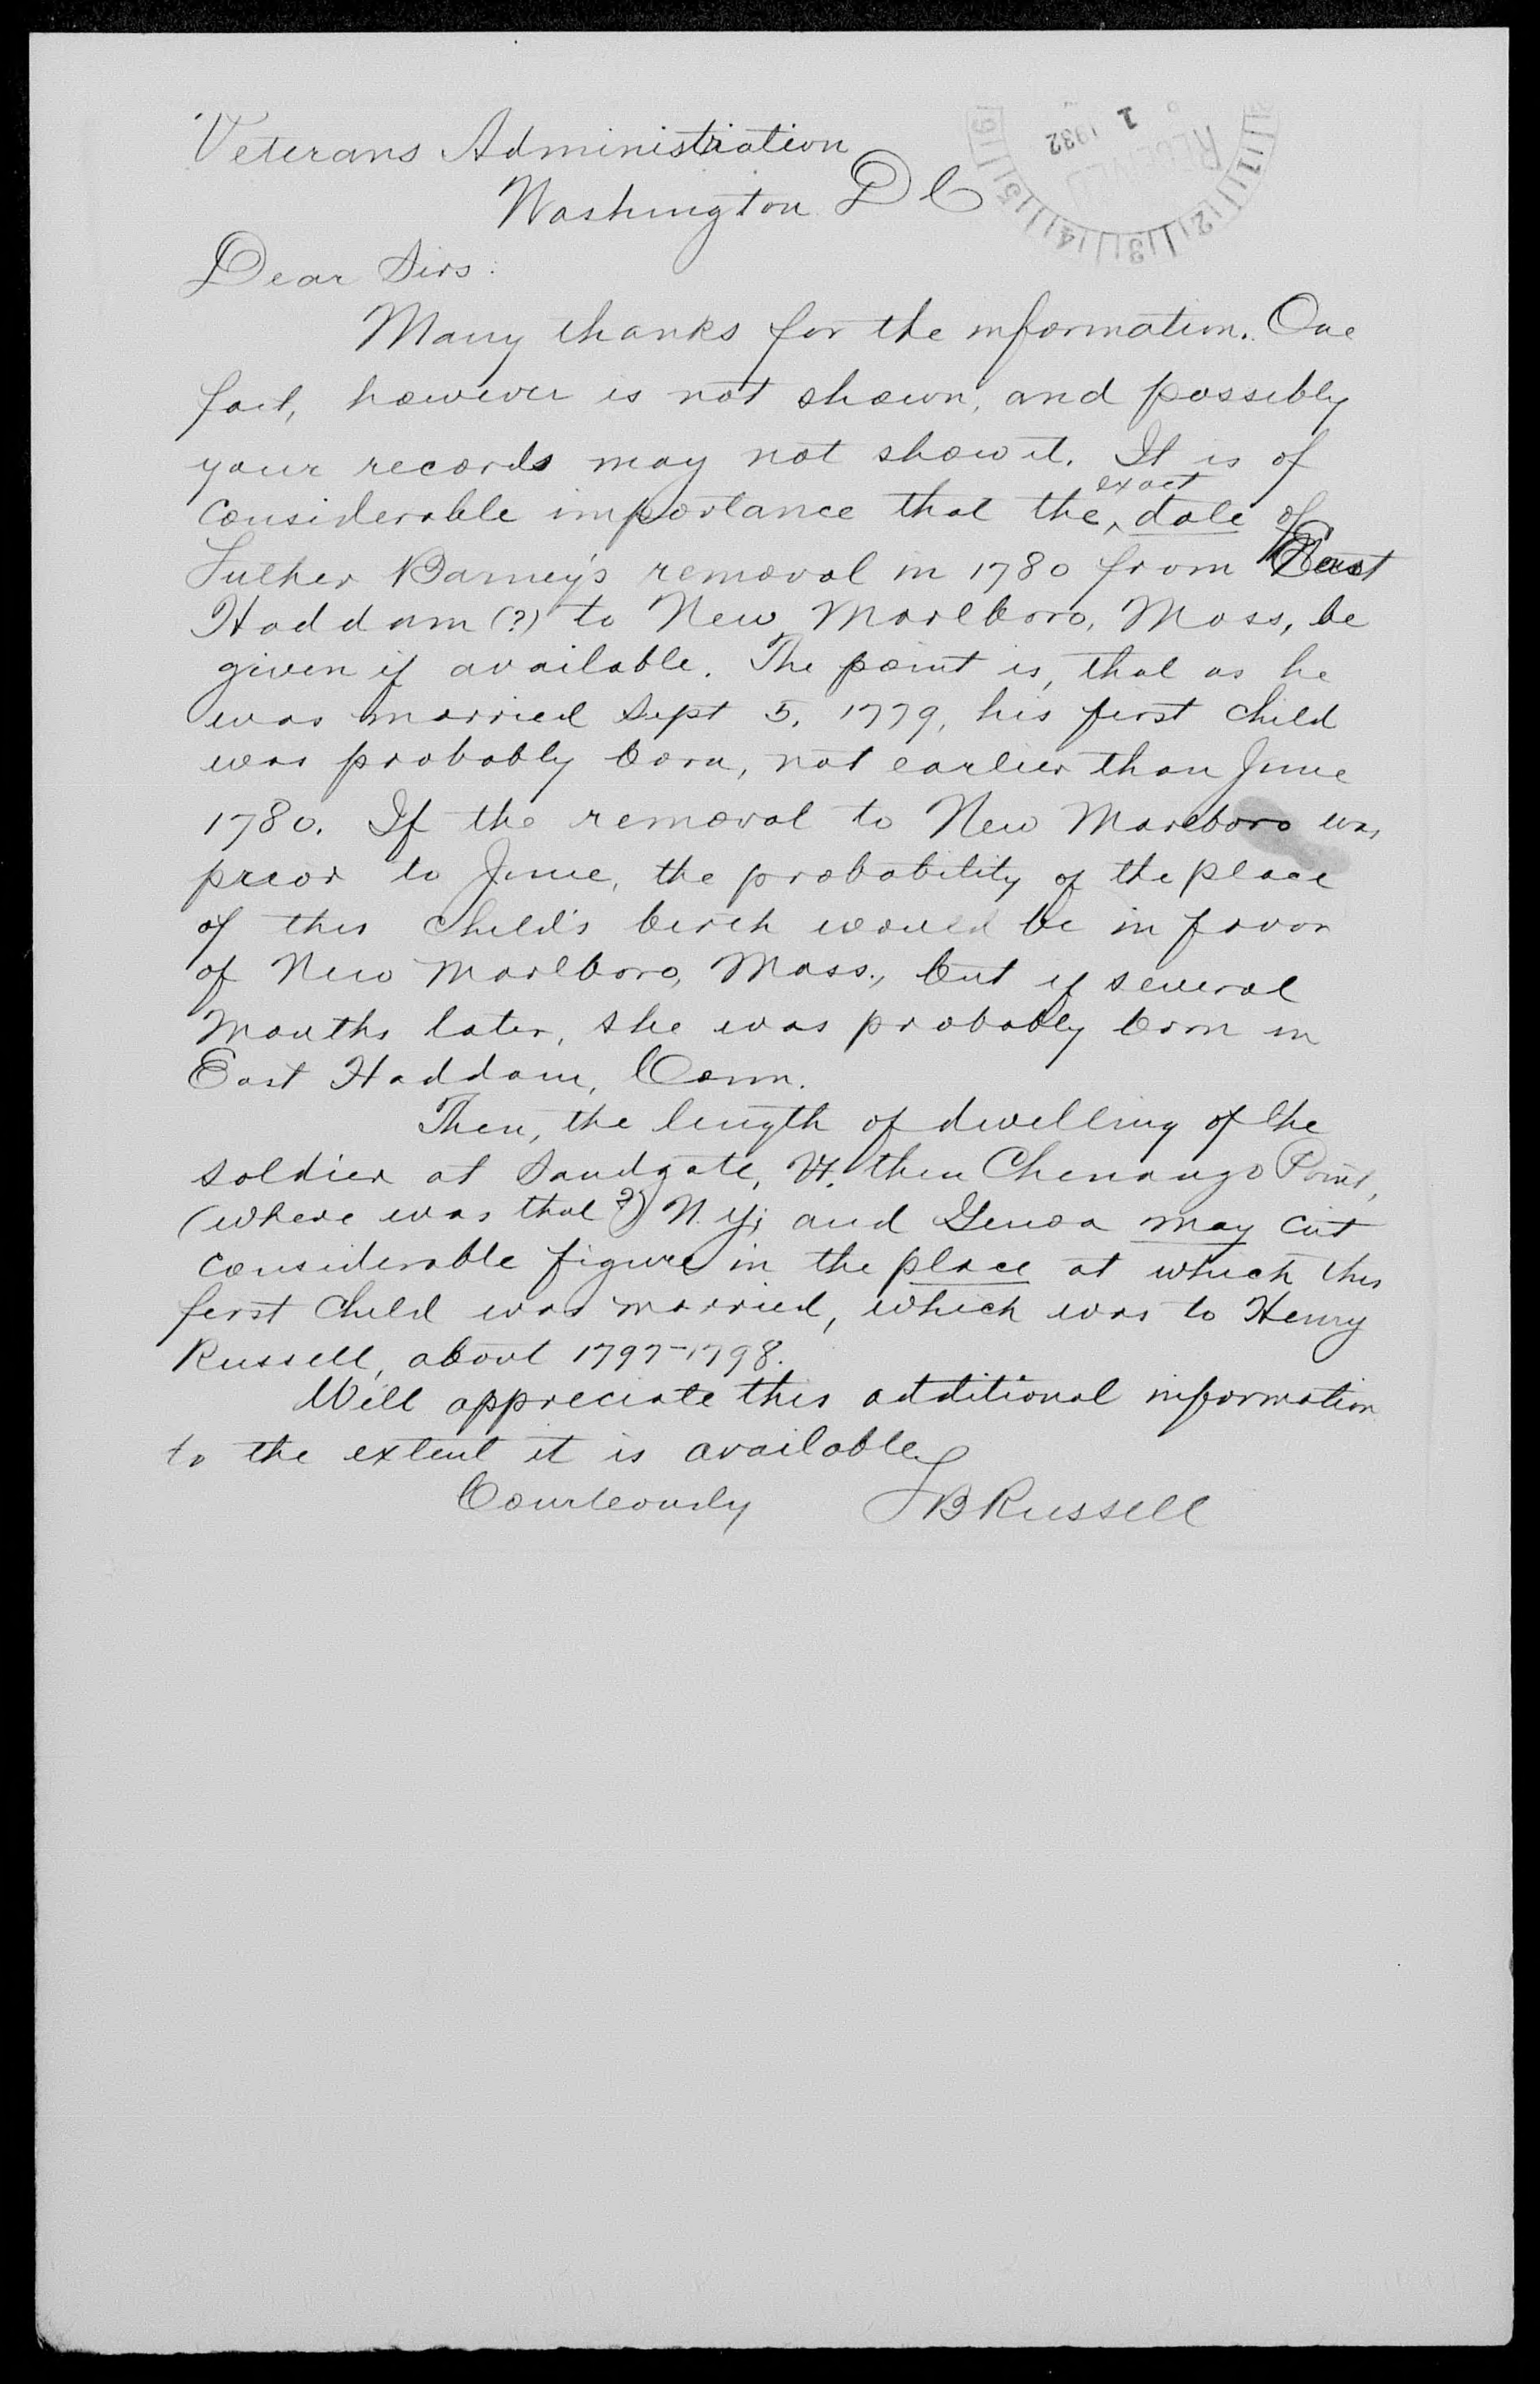[Stamp: Received [?] 1 1932]
Veterans Administration
Washington DC

Dear Sirs:
Many thanks for the information. One fact, however is not shown, and possibly your records may not show it. It is of
considerable importance that the exact [word inserted] date of Luther Barney's removal in 1780 from East Haddam (?) to New Marlboro, Mass, be given if available. The point is, that as he
was married Sept 5, 1779, his first child was probably born, not earlier than June 1780. If the removal to New Marlboro,
prior to June, the probability of the place of this child's birth would be in favor of New Marlboro, Mass., but if several
months later, she was probably born in East Haddam, Conn.

Then, the length of dwelling of the soldier at Sandgate, Vt, then Chenango Point where was that?) N.Y. and Genoa may [underlined] cut considerable figure in the place [underlined] at which this first child was married, which was to Henry
Russell, about 1797-1798.

Will appreciate this additional information to the extent it is available.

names: Henry Russell, L B Russell, Luther Barney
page: 57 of 61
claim: widow's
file: W. 4.124, Luther Barney, Conn. Privateer.